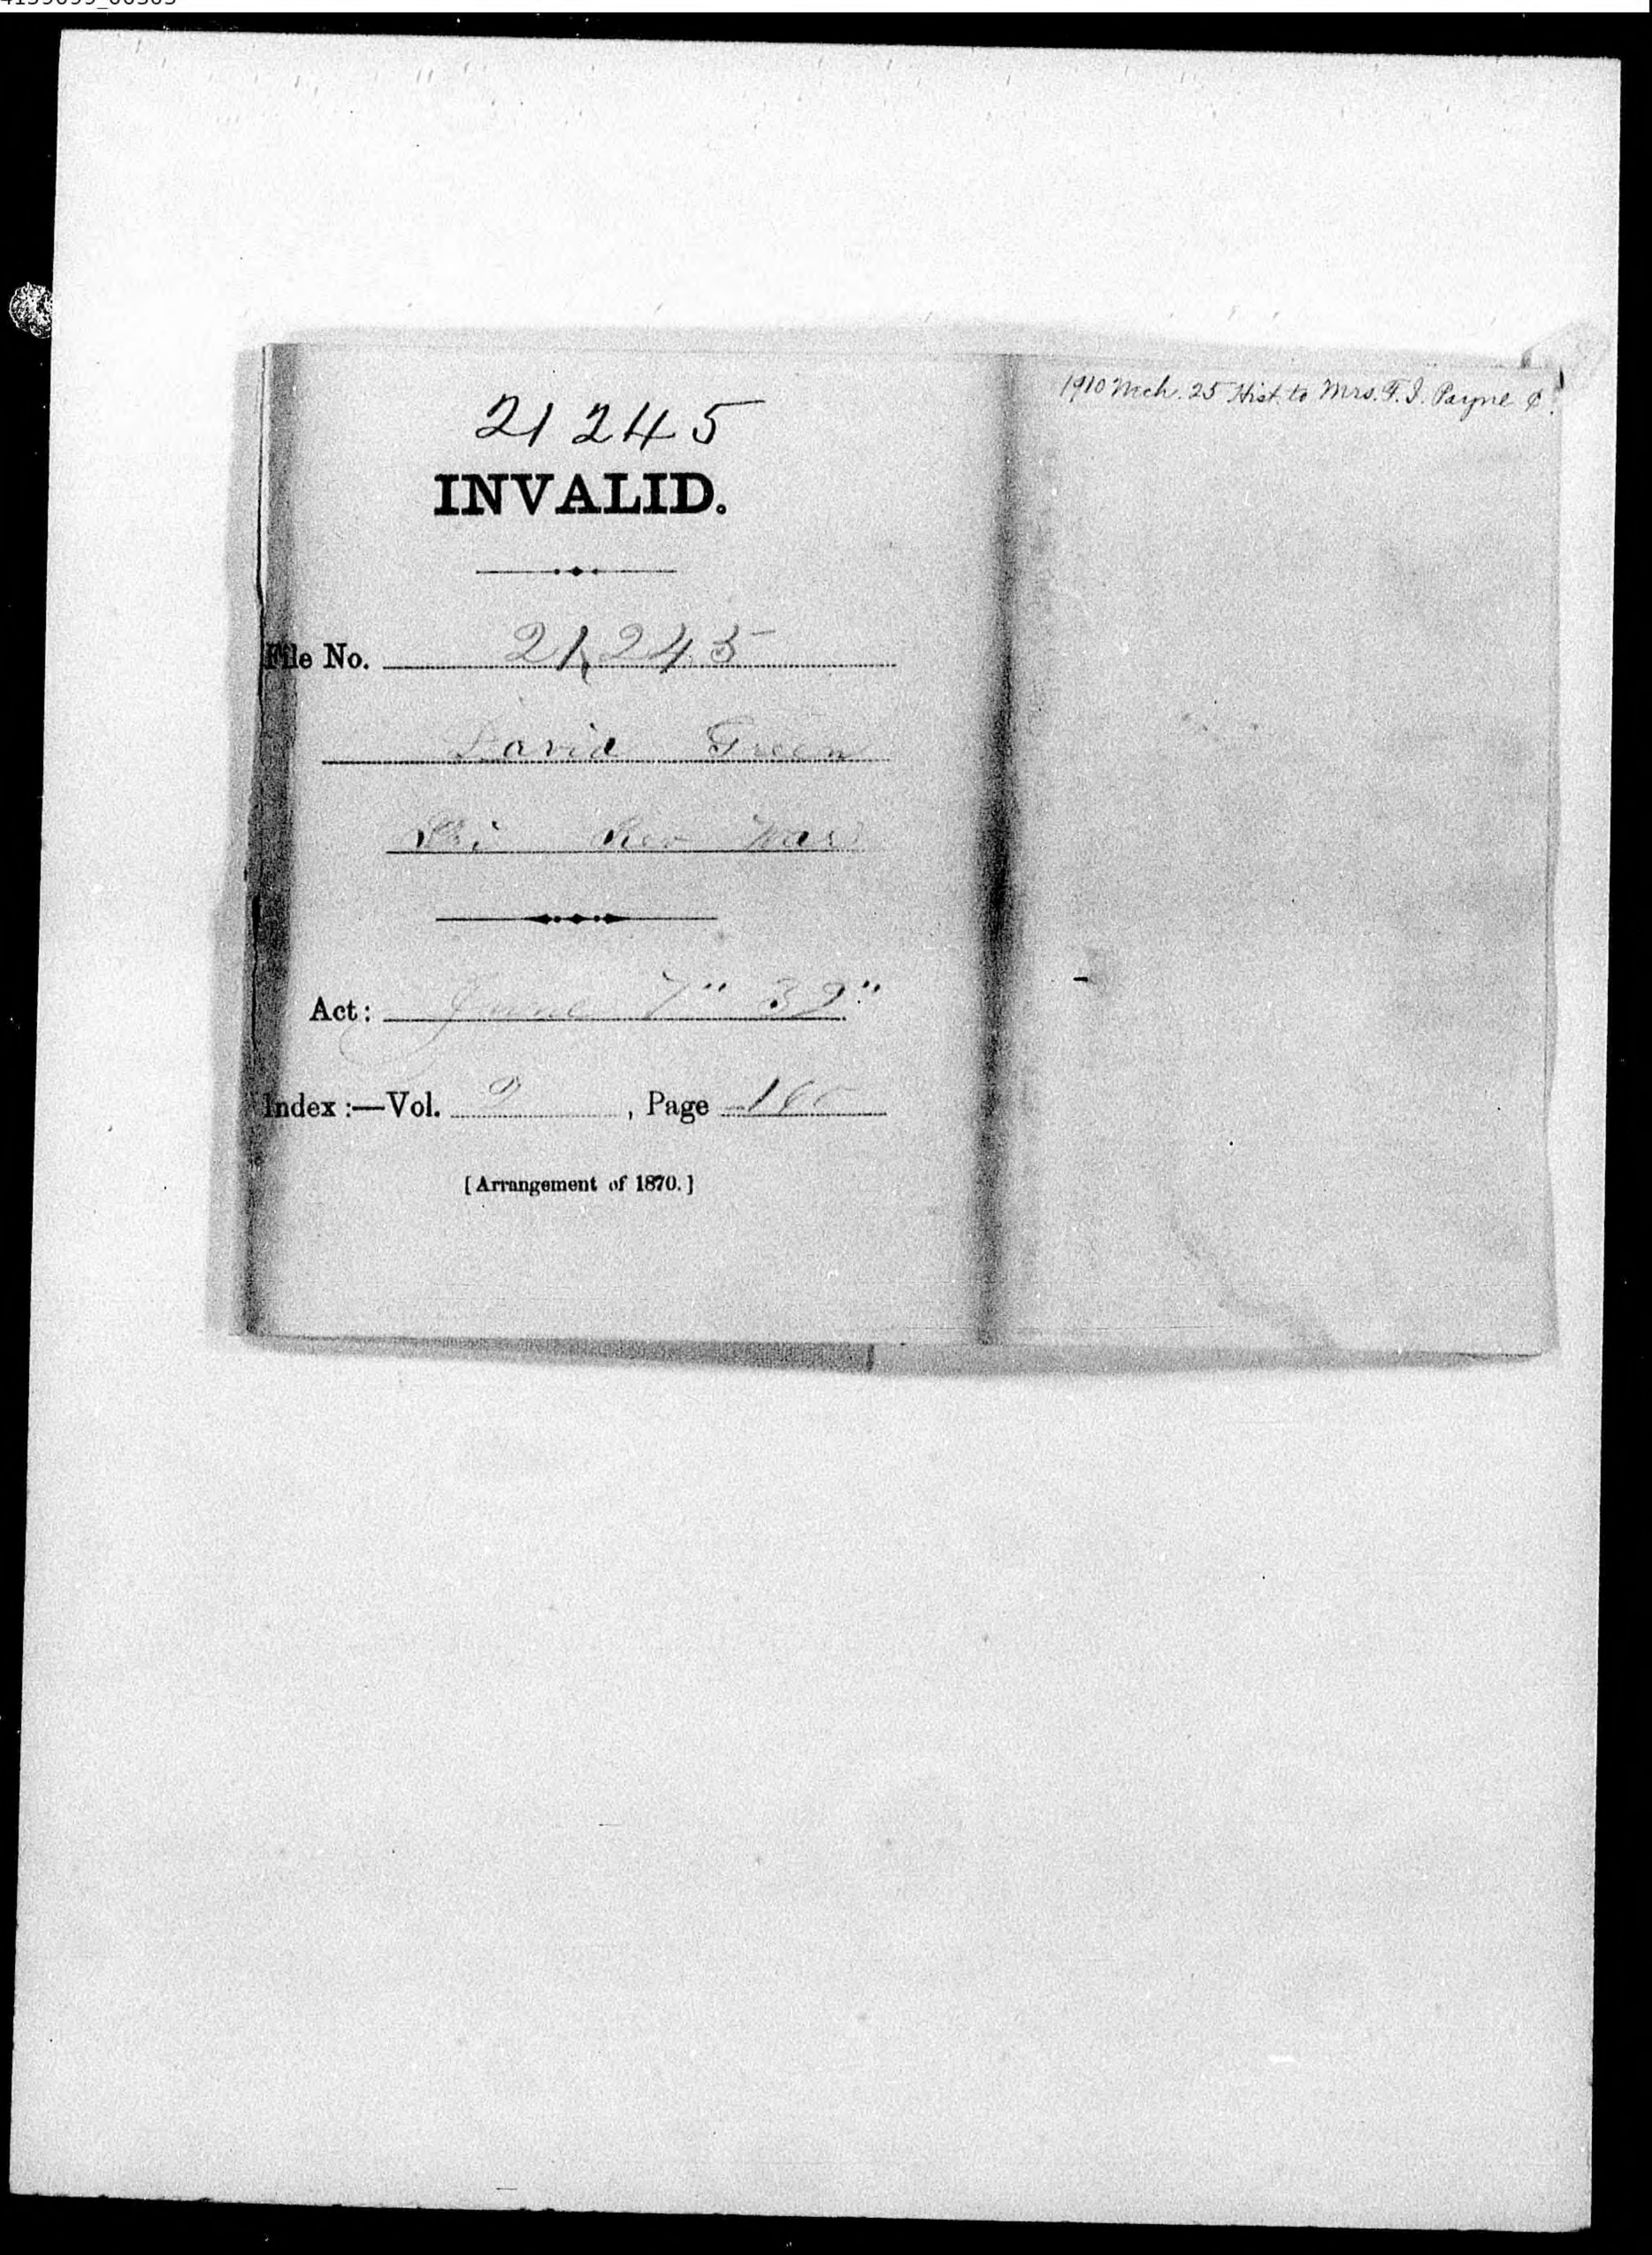21245
INVALID.
File No. 21245
David Green
Pri Rev War
Act: June 7" 32"
Index:-Vol. 2, Page 160
[Arrangement of 1870.]
1910 Mch. 25 Hist to Mrs. F. J. Payne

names: F J Payne, David Green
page: 20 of 27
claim: survivor's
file: S. 21,245, David Greene, R.I.